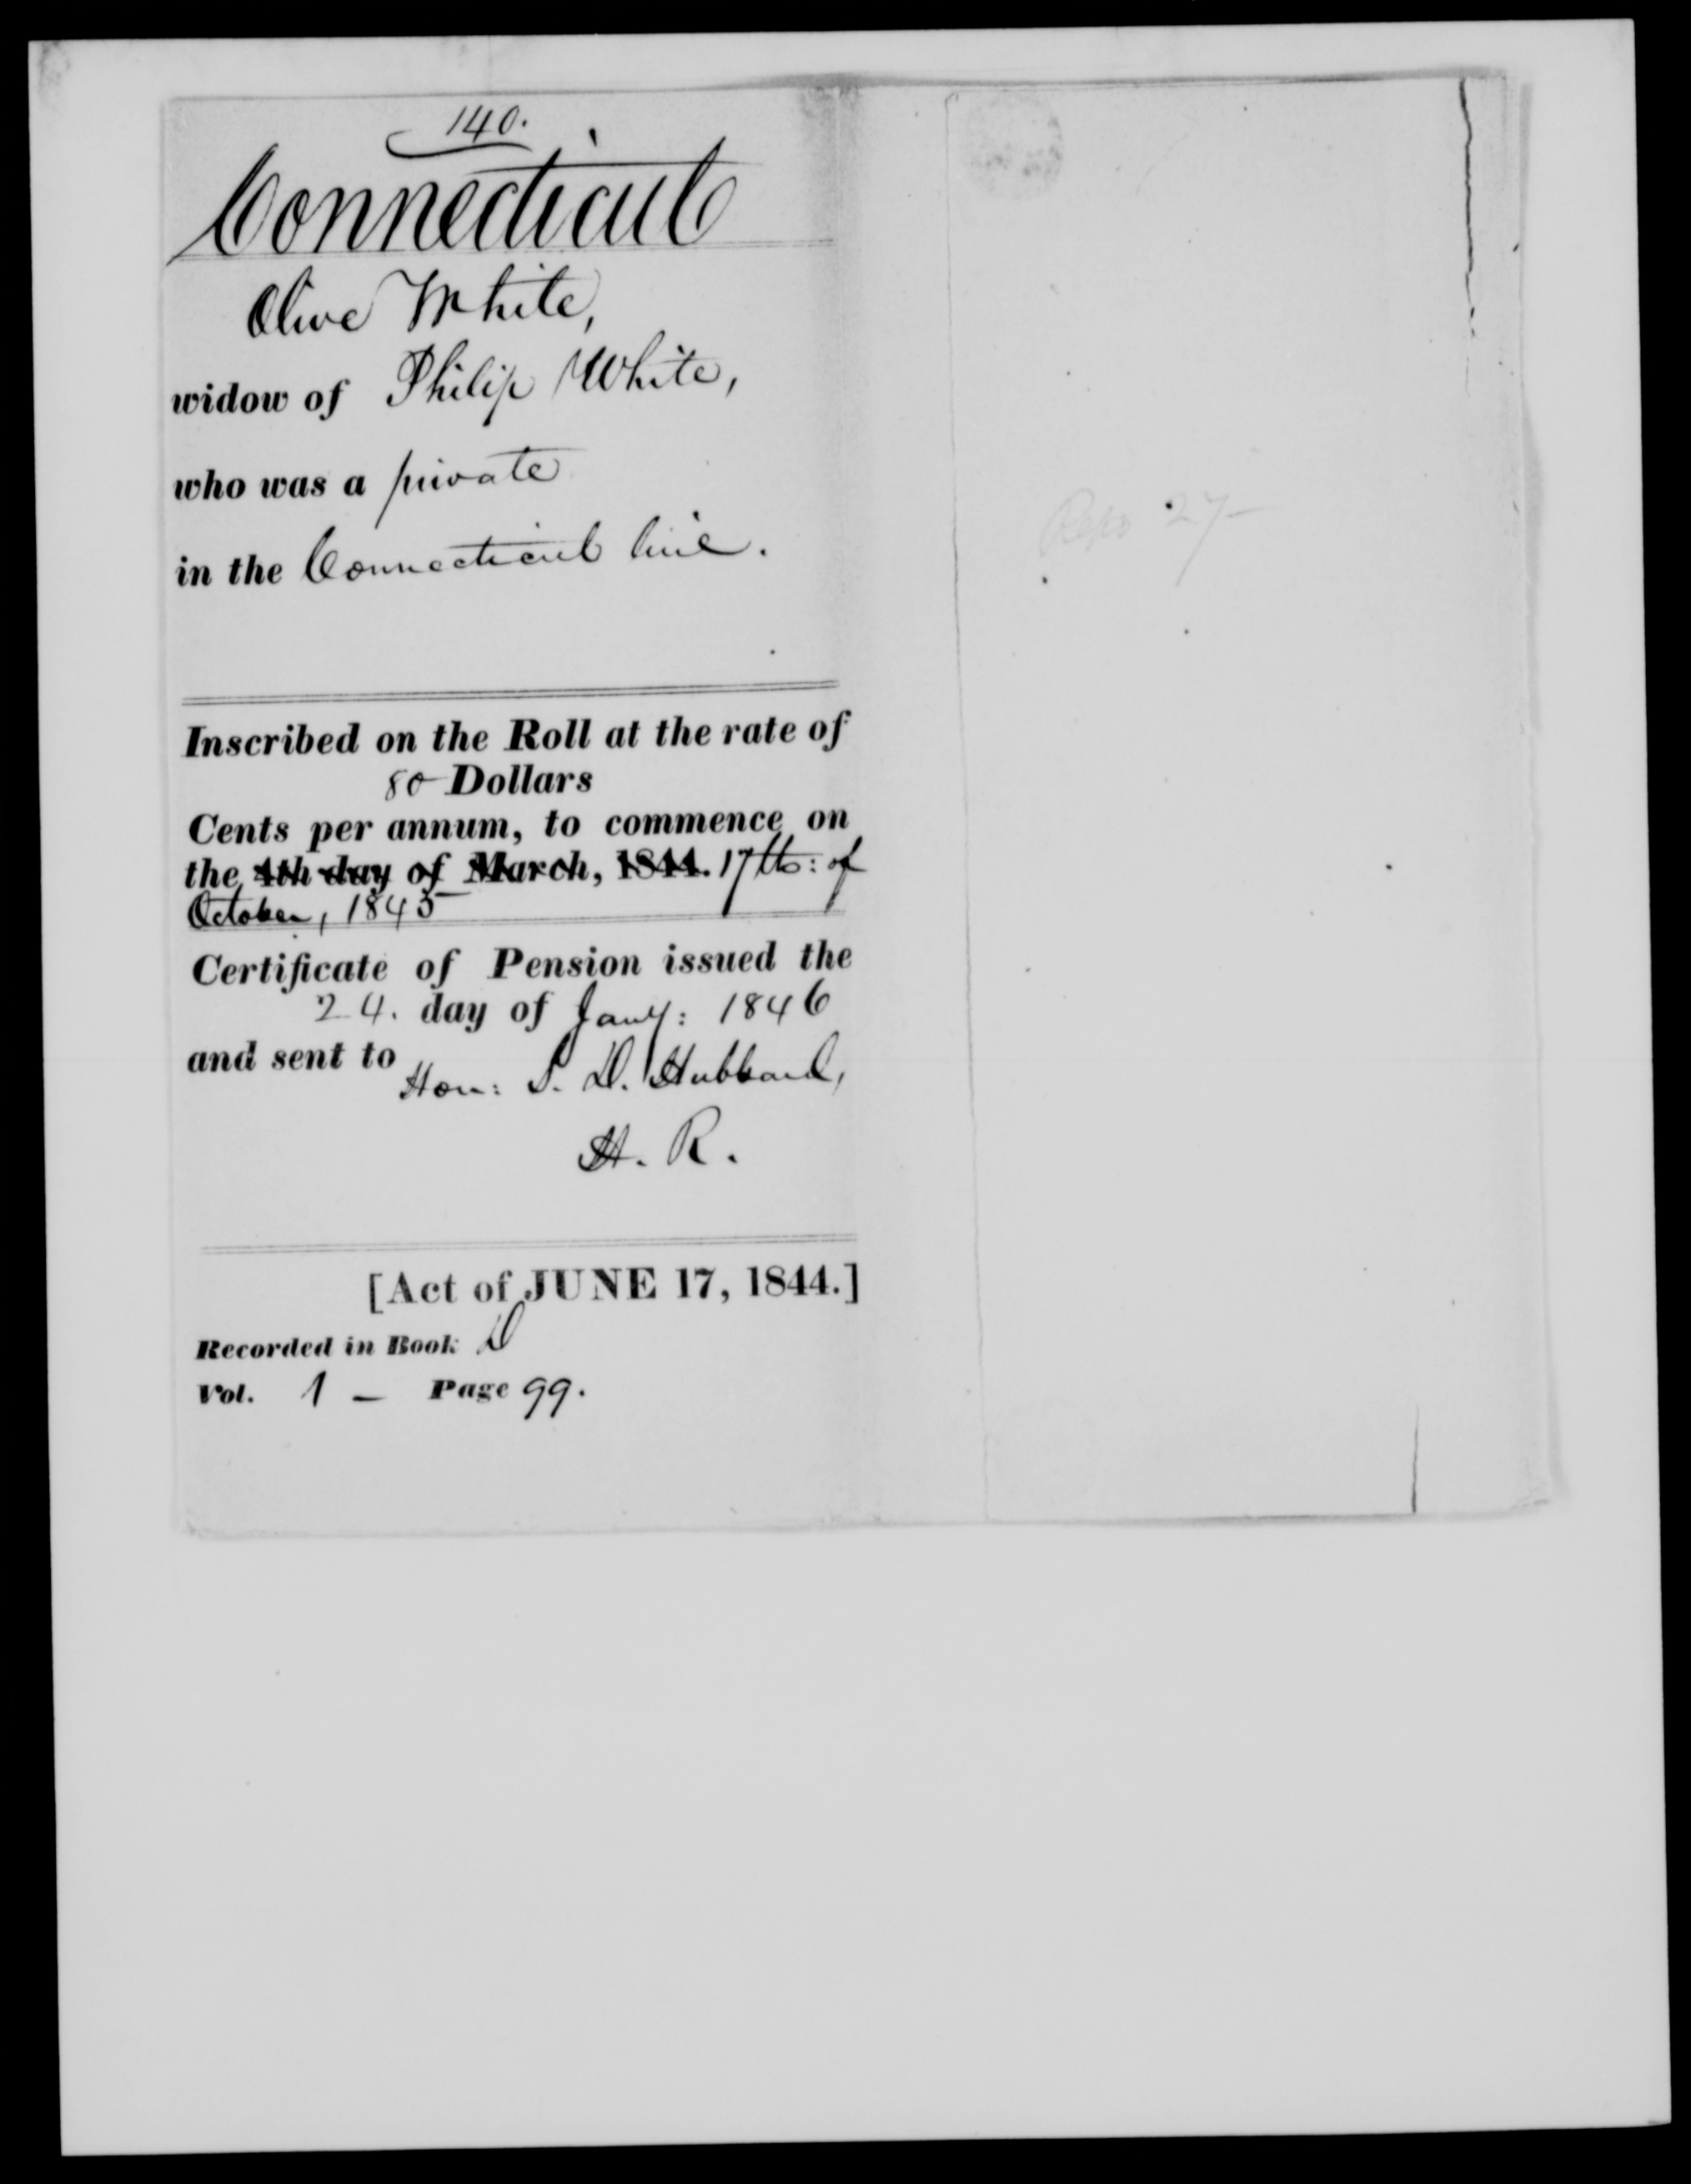140
Connecticut

Olive White,
widow of Philip White,
was a private
in the Connecticut line

Inscribed on the Roll at the rate of
80 Dollars
Cents per annum, to commence on
the [crossed out: 4th day of March, 1844.] 17th of
October, 1845

Certificate of Pension issued the
24 day of Jany. 1846
and sent to Hon. S.D. Hubbard,
H. R.

[Act of JUNE 17, 1844.]
Recorded in Book D
No 1-- Page 99

Repo 27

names: Philip White, S D Hubbard, Olive White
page: 34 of 50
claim: widow's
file: W. 25,969, Philip White, Conn.